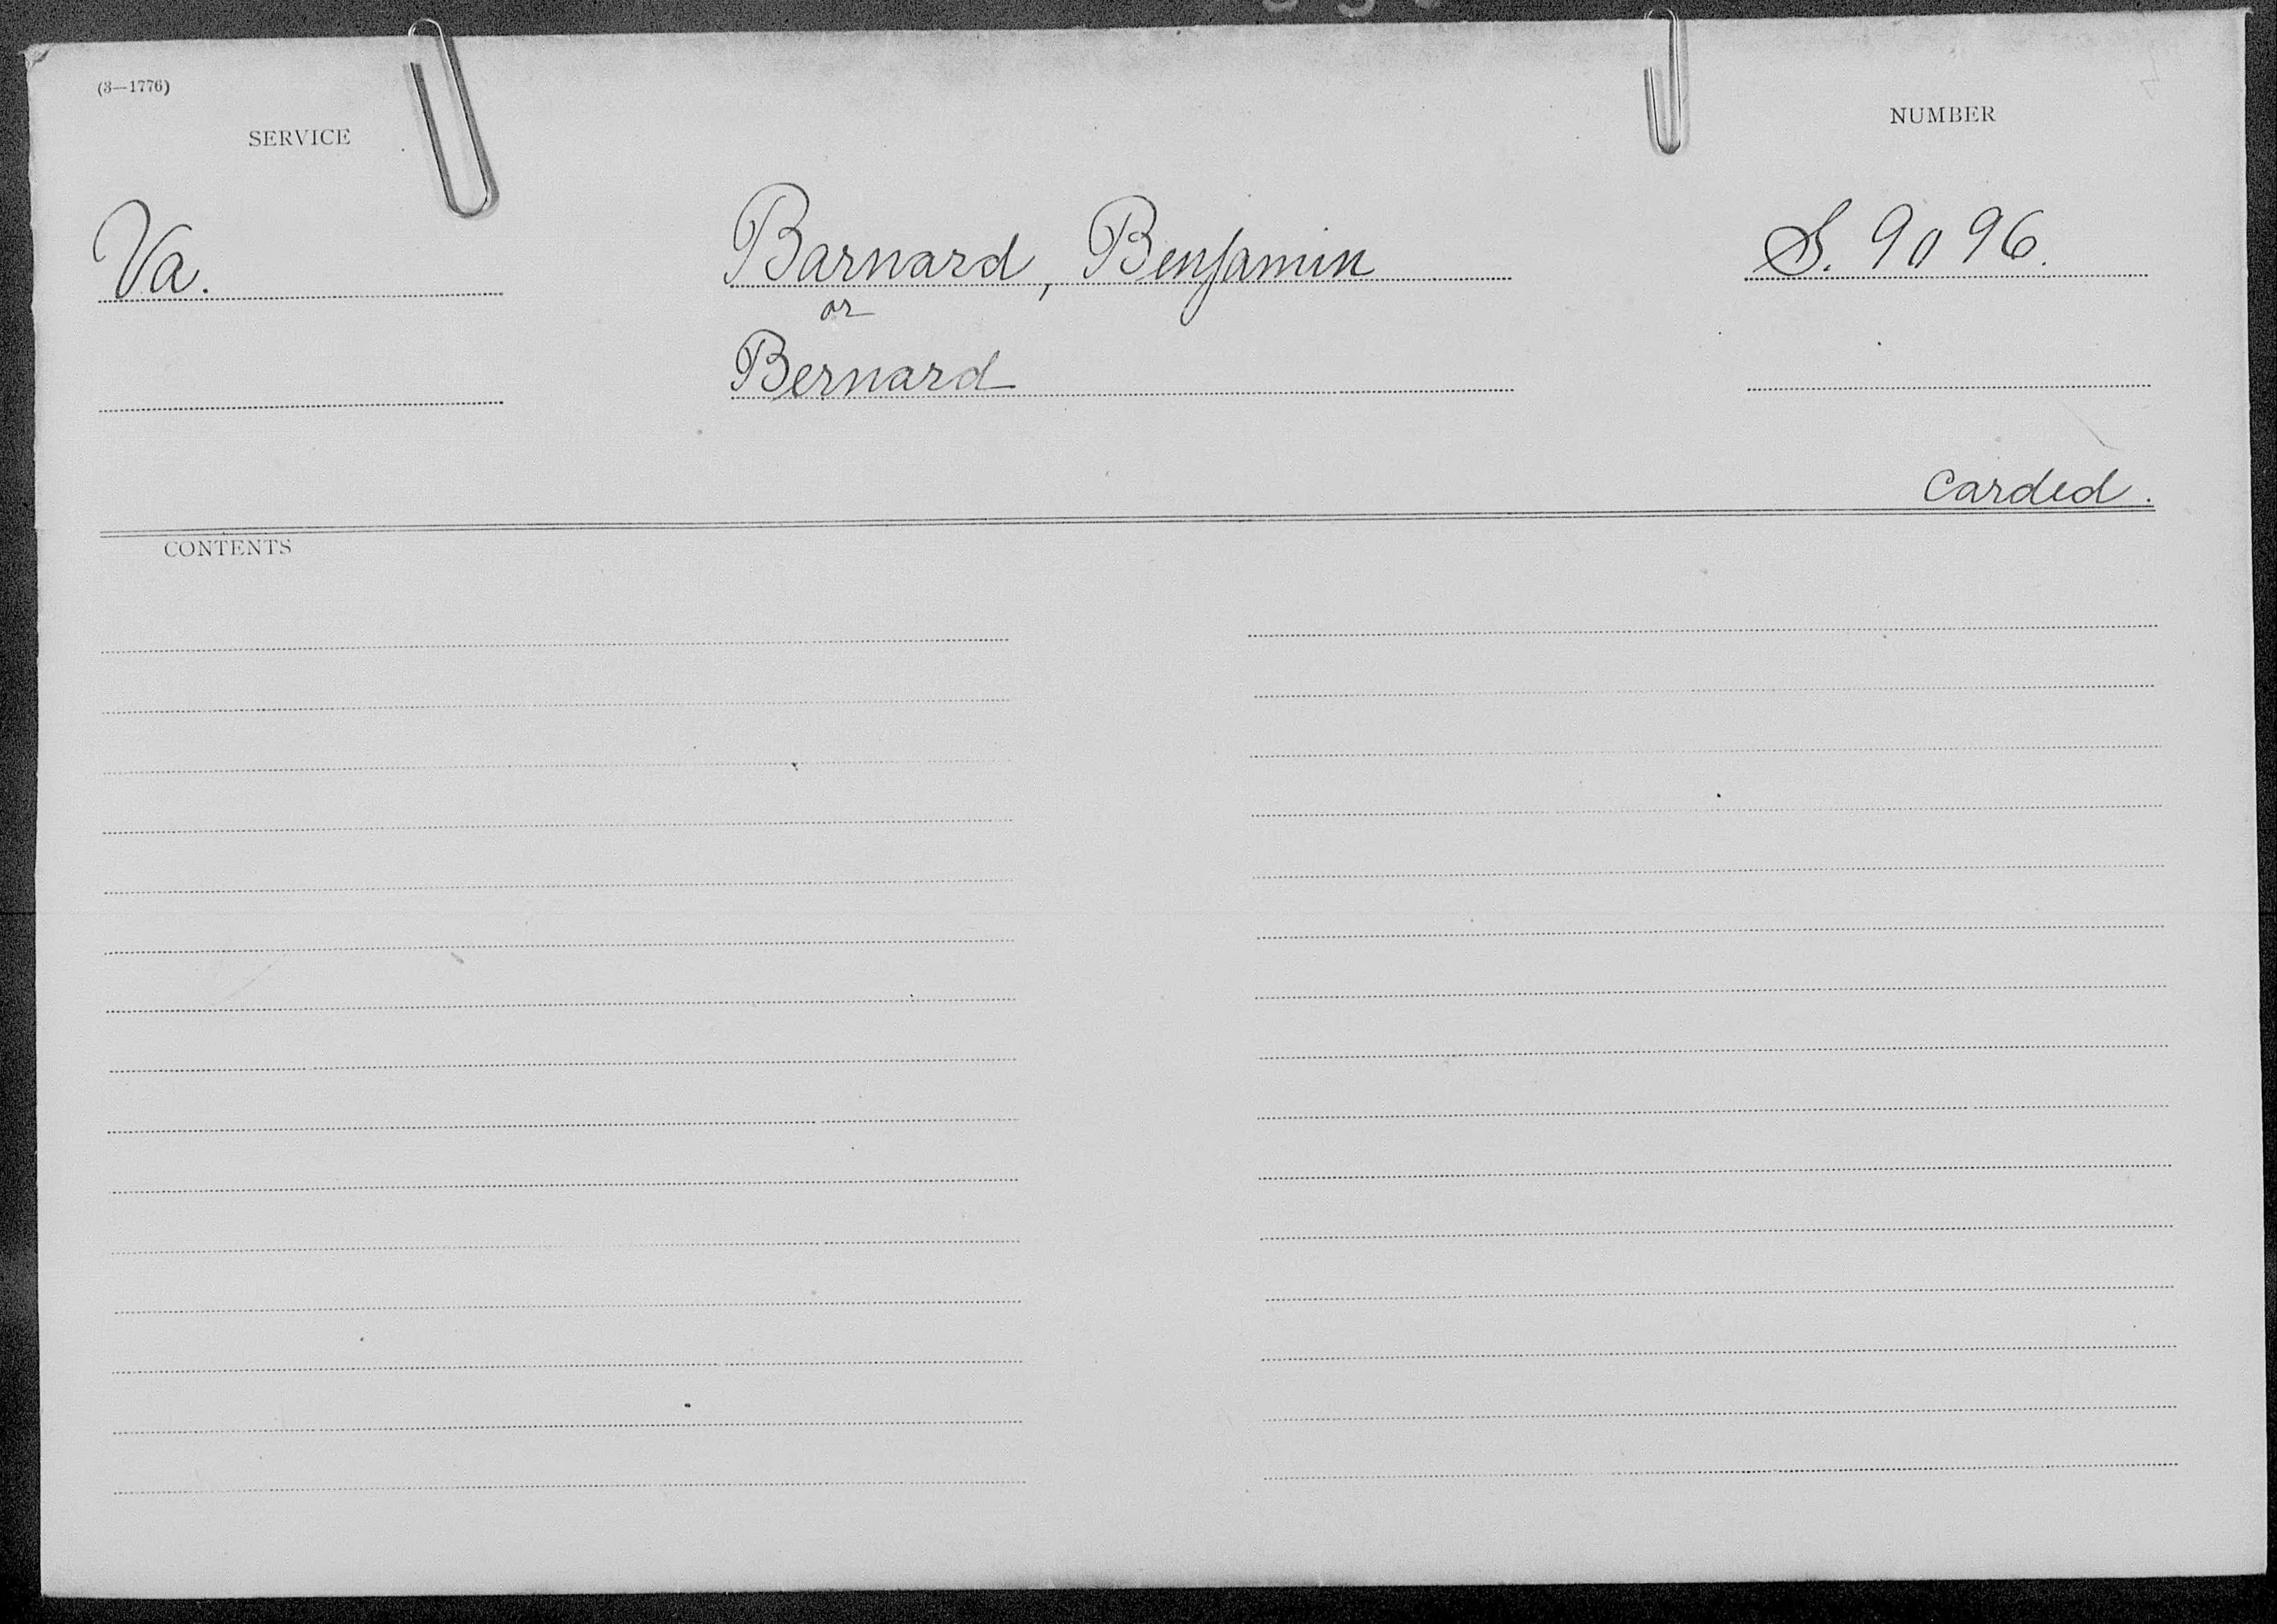Va

Barnard, Benjamin
or
Bernard

S9096

carded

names: Benjamin Bernard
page: 1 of 18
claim: survivor's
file: S. 9096, Benjamin Barnard, Va.